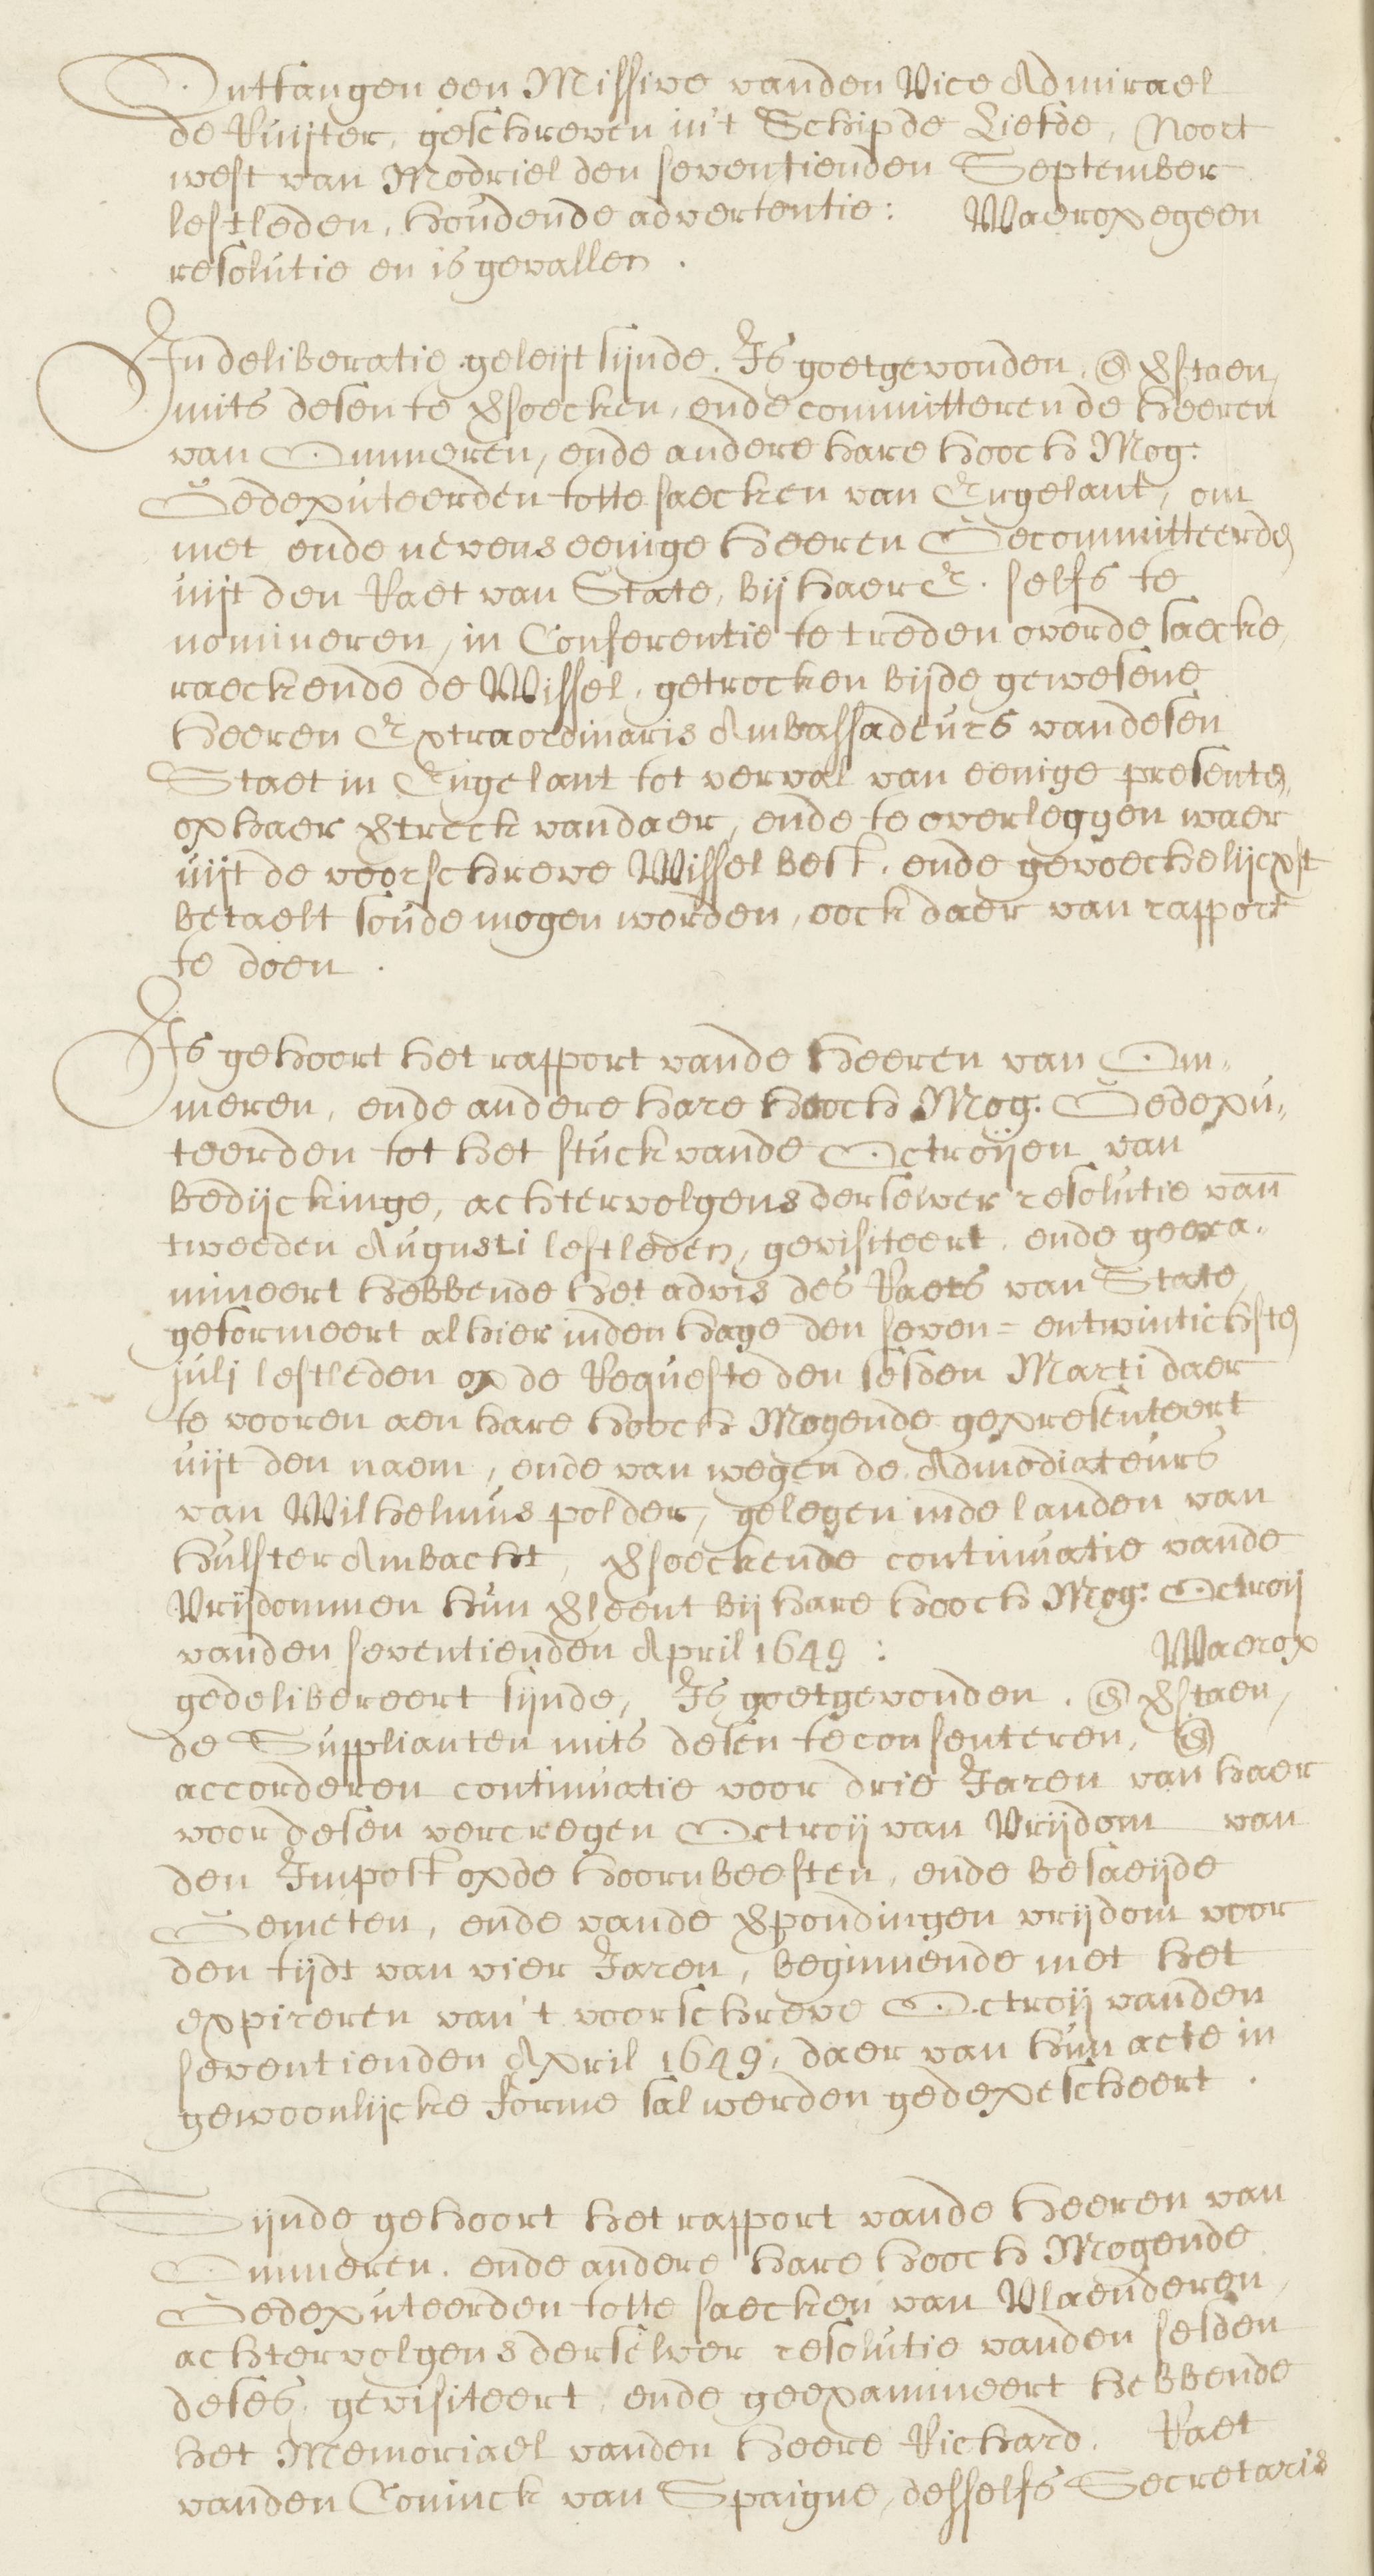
Ontfangen een missive vanden Vice Admirael
de Ruijter, geschreven in't schip de Liefde, Noort
west van modriel den seventienden September
lestleden, houdende advertentie: Waerop egeen
resolutie en is gevallen.
In deliberatie geleijt sijnde, is goetgevonden, & vstaen,
mits desen te vsoecken, ende committeren de heeren
van Ommeren, ende andere hare hooch Mog:
Gedeputeerden totte saecken van Engelant, om
met ende nevens eenige heeren Gecommitteerden
uijt den Raet van State, bij haer E. selfs te
nomineren, in conferentie te treden overde saecke
raeckende de Wissel, getrocken bijde gewesene
Heeren Extraordinaris Ambassadeurs van desen
Staet in Engelant tot verval van eenige presenten
op haer vtreck vandaer ende te overleggen waer
uijt de voorschreve Wissel best, ende gevoechelijcxst
betaelt soude mogen worden, oock daer van rapport
te doen
Is gehoort het rapport vande heeren van Om,,
meren, ende andere hare hooch Mog: Gedepu,,
teerden tot het stuck vande Octroijen van
bedijckinge, achtervolgens derselver resolutie van
tweeden Augusti lestleden, gevisiteert, ende geexa„,
mineert hebbende het advis des Raets van State
geformeert alhier inden hage den seven=entwintichsten
juli lestleden op de Requeste den sesden Marti daer
te vooren aen hare hooch Mogende gepresenteert
uijt den naem, ende van wegen de Admodiateurs
van Wilhelmus polder gelegen inde landen van
Hulster Ambacht, vsoeckende continuatie vande
Vrijdommen hun vleent bij hare hooch Mog: Octroij
vanden seventienden April 1649: Waerop
gedelibereert sijnde, Is goetgevonden, & vstaen,
de Supplianten mits desen te consenteren, &
accorderen continuatie voor drie Jaren van haer
voor desen vercregen Octroij van Vrijdom van
den Impost op de Hoornbeesten, ende besaeijde
Gemeten, ende vande vpondingen vrijdom voor
den tijdt van vier jaren, beginnende met het
expireren van 't voorschreve Octroij vanden
seventienden April 1649, daer van hun acte in
gewoonlijcke forme sal werden gedepescheert
Sijnde gehoort het rapport vande heeren van
Ommeren, ende andere hare hooch mogende
Gedeputeerden totte saecken van Vlaenderen
achtervolgens derselver resolutie vanden sesden
deses, gevisiteert, ende geexamineert hebbende
het Memoriael vanden heere Richard, Raet
vanden Coninck van Spaigne, desselfs Secretaris
